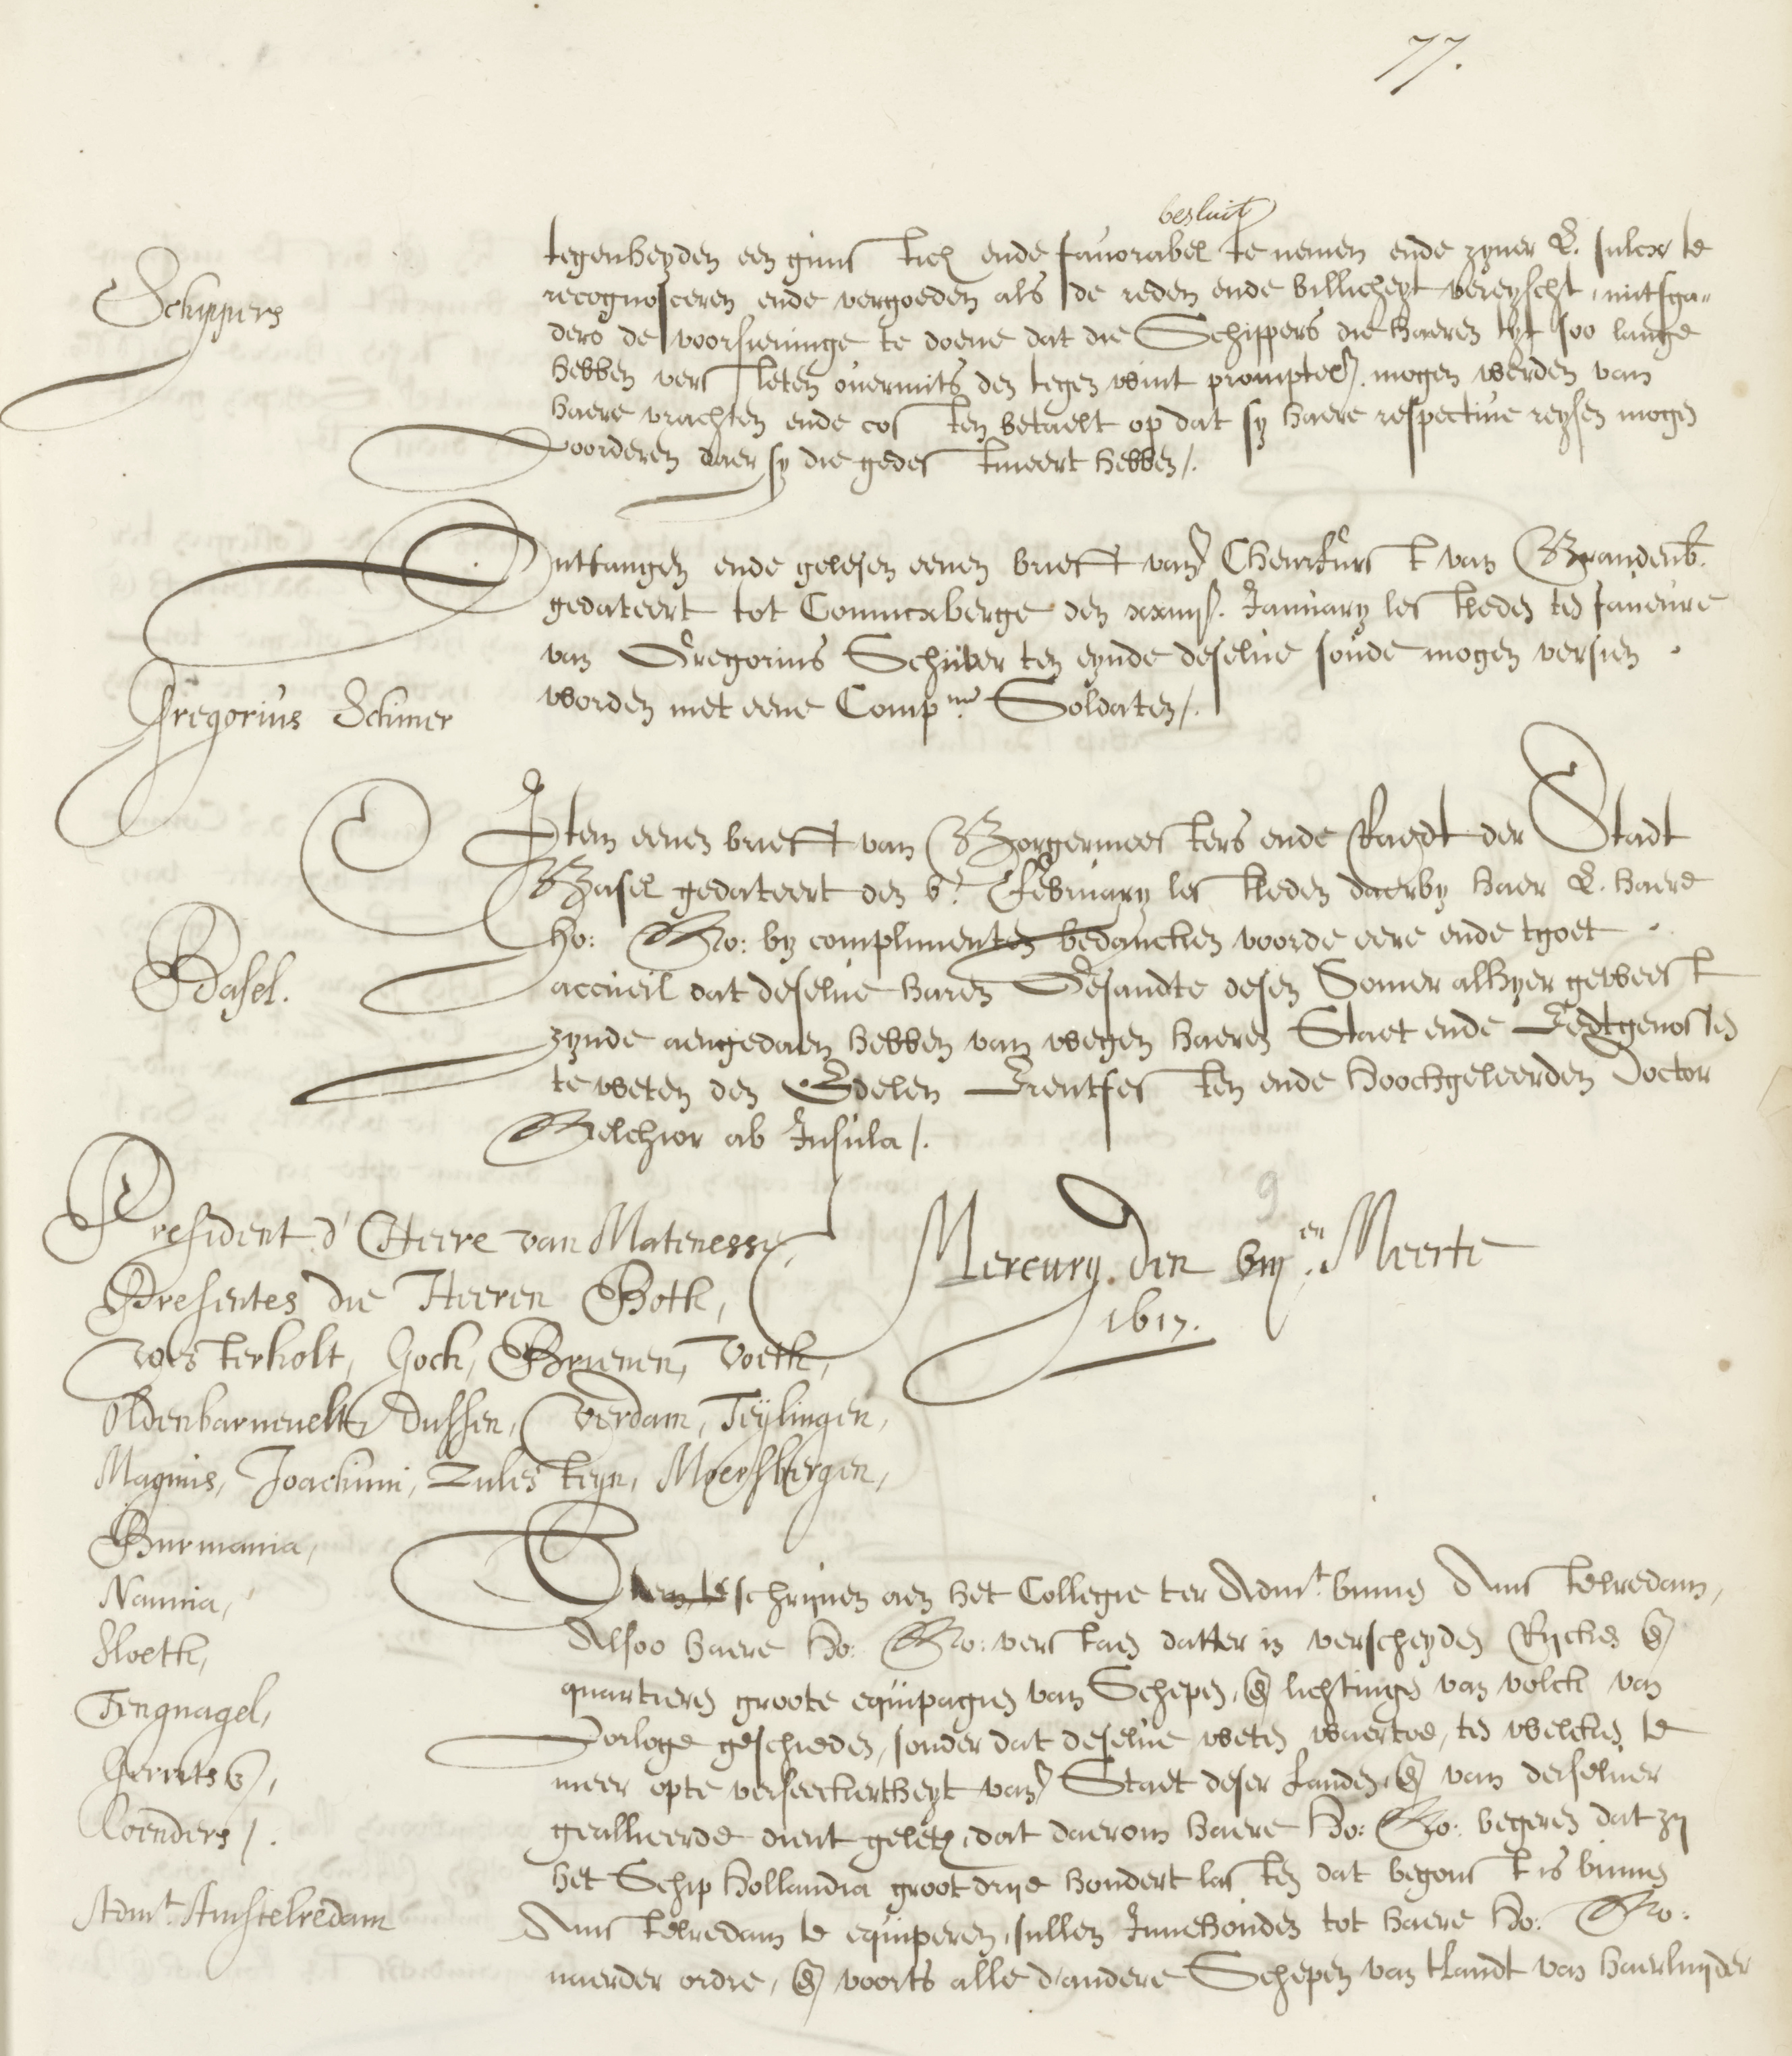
77
Schippers
besluit
tegenheyden een gunstich ende fauorabel te nemen ende zyner E. sulcx te
recognesceren ende vergoeden als de reden ende billicheyt vereyscht, mitsga„
ders de voorsieninge te doene dat die Schippers die haeren tyt soo lange
hebben versleten ouermits den tegen wint promptel mogen werden van
haer vrachten ende costen betaelt op dat sy haere respectiue reysen mogen
voorderen daer sy die gedestineert hebben.
Gregorius Schiuer
Ontfangen ende gelesen eenen brieff van Cheurfurst van Brandenb.
gedateert tot Conincxberge den xxiiije January lestleden ten faueure
van Gregorius Schiver ten eynde deselue soude mogen versien
worden met een Compnie Soldaten.
Basel
Item eenen brieff van Borgermeesters ende Raedt der Stadt
Basel gedateert den ve February lestleden daerby haer E. haere
Ho:Mo: by complimenten bedancken voorde eere ende tgoet
accueil dat deselue haren Gesandte desen Somer alhyer geweest
zynde aengedaen hebben van wegen haeren Staet ende Eedtgenossen
te weten den Edelen Erentfesten ende hoochgeleerden Doctor
Melchior ab Insula.
Mercury den viiien Meerte
1617
President d'Heere van Matenesse
Presentes die Heeren Both,
Westerholt, Goch, Brienen, Voeth,
Oldenbarnevelt, Dussen, Verdam, Teijlingen,
Magnis, Joachimi, Zulesteyn, Moersbergen,
Burmania
Nannia
Sloeth,
Tengnagel,
Gerritsz,
Coenders,
Admt Amstelredam
Om te schryuen aen het Collegie ter Admt. binnen Amstelredam.
Alsoo haere Ho:Mo: verstaen datter in verscheyden Rycke &de
quartieren groote equipagien van Schepen & lichting van volck van
Oorloge geschieden, sonder dat deselue weten waertoe, ten welcken te
meer opte verseeckertheyt van Staet deser Landen, & van derseluer
geallieerde dient geleth, dat daerom haere Ho:Mo: begeren dat zy
het Schip Hollandia groot drye hondert lasten dat begonst is binnen
Amstelredam te equiperen, sullen Innehouden tot haere Ho:Mo:
naerder ordre, & voorts alle d'andere Schepen van tlandt van haerluyder
